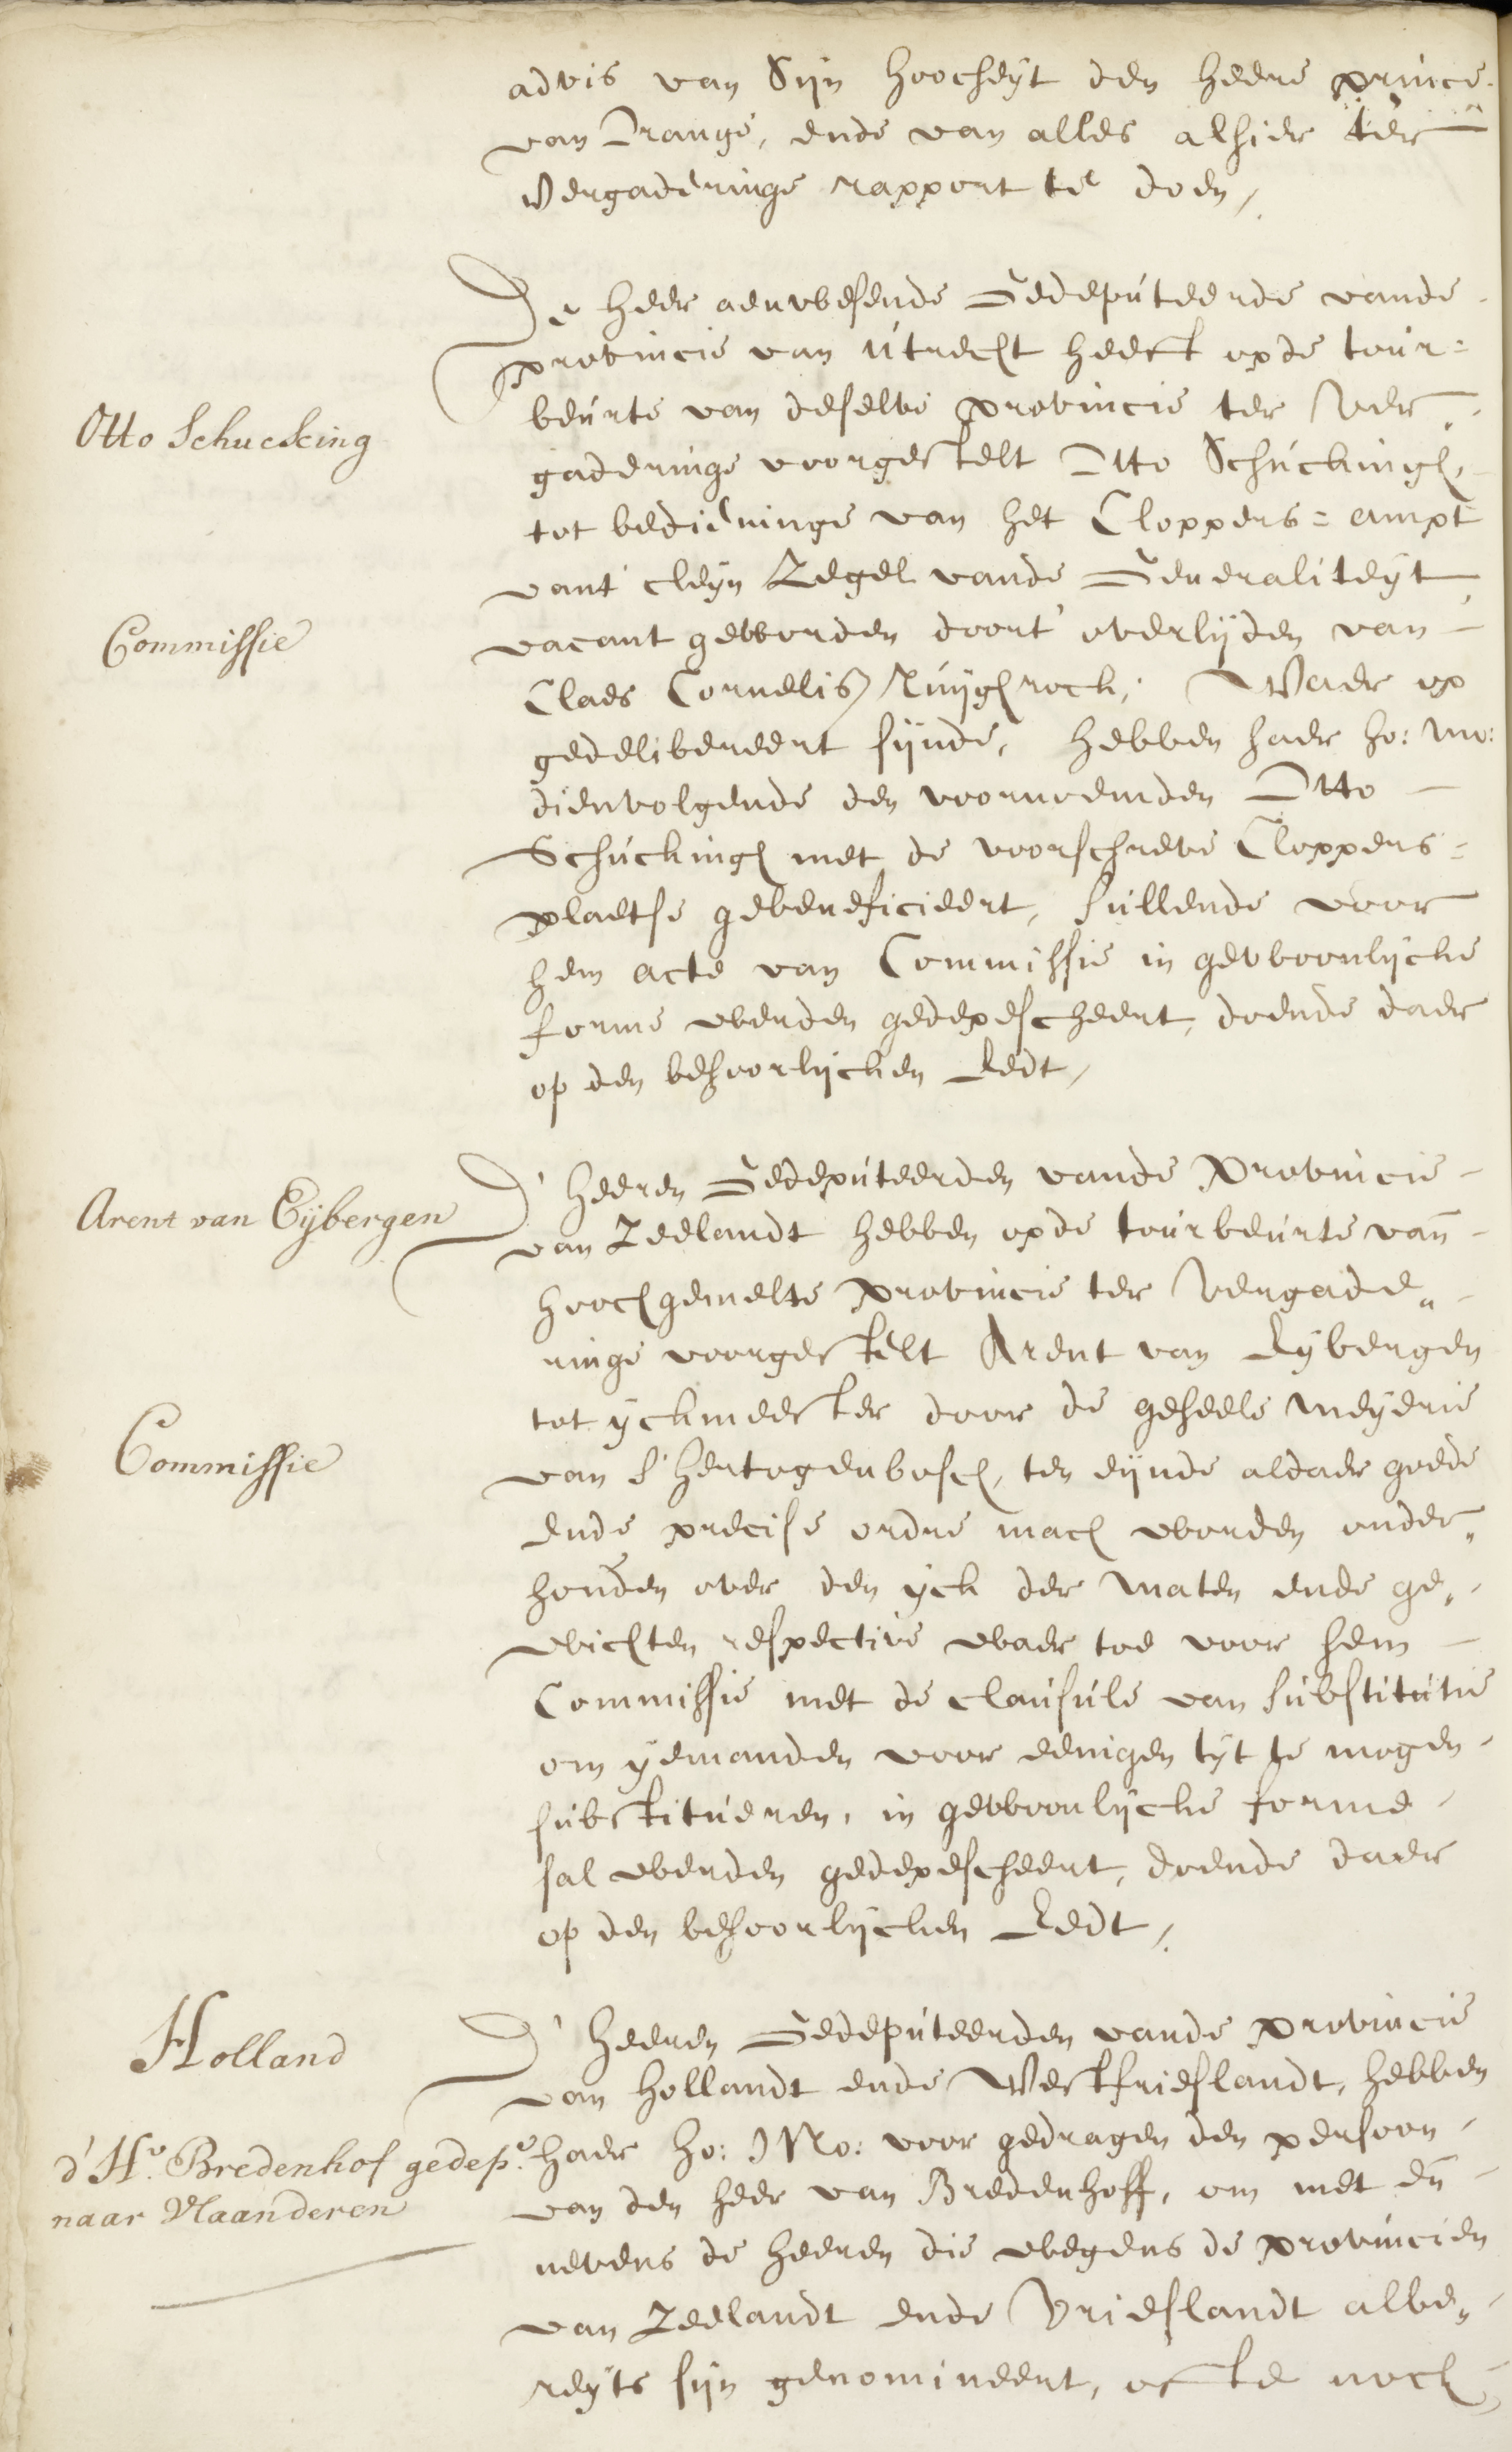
advis van Sijn hoocheijt den heere prince
van Orange, ende van alles alhier ter
Vergaderinge rapport te doen.
Otto Schucking
Commissie
De heer aenwesende Gedeputeerde vande
provincie van Utrecht heeft opde tour„
beurte van deselve provincie ter Ver„
gaderinge voorgestelt Otto Schuckingh,
tot bedieninge van het Cloppers=ampt
vant cleijn Zegel vande Generaliteijt,
vacant geworden doort‛ overlijden van —
Claes Cornelis Ruijghrock; Waer op
gedelibereert sijnde, hebben haer ho:Mo:
dienvolgende den voornoemden Otto —
Schuckingh met de voorschreve Cloppers„
plaetse gebeneficieert, sullende voor
hem acte van Commissie in gewoonlijcke
forme werden gedepescheert, doende daer
op den behoorlijcken Eedt.
Arent van Eijbergen
Commissie
D‛heeren Gedeputeerden vande Provincie
van Zeelandt hebben opde tourbeurte van
hoochgemelte Provincie ter Vergade„
ringe voorgestelt Arent van Eijbergen
tot ijckmeester door de geheele Meijerie
van s‛Hertogenbosch, ten eijnde aldaer goede
ende precise ordre mach worden onder„
houden over den ijck der Maten ende ge„
wichten respective waer toe voor hem
Commissie met de clausule van substitutie
om ijemanden voor eenigen tijt te mogen
substitueren, in gewoonlijcke forme
sal werden gedepescheert, doende daer
op den behoorlijcken Eedt.
Holland
d‛ Hr. van Bredenhof gedepe
naar Vlaanderen
D‛ heeren Gedeputeerden vande Provincie
van hollandt ende Westfrieslandt, hebben
haer ho:Mo: voor gedragen den persoon
van den heer van Bredenhoff, om met en
nevens de heeren die wegens de provincien
van Zeelandt ende Vrieslandt albe„
reijts sijn genomineert, ofte noch
